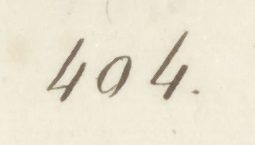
404.
